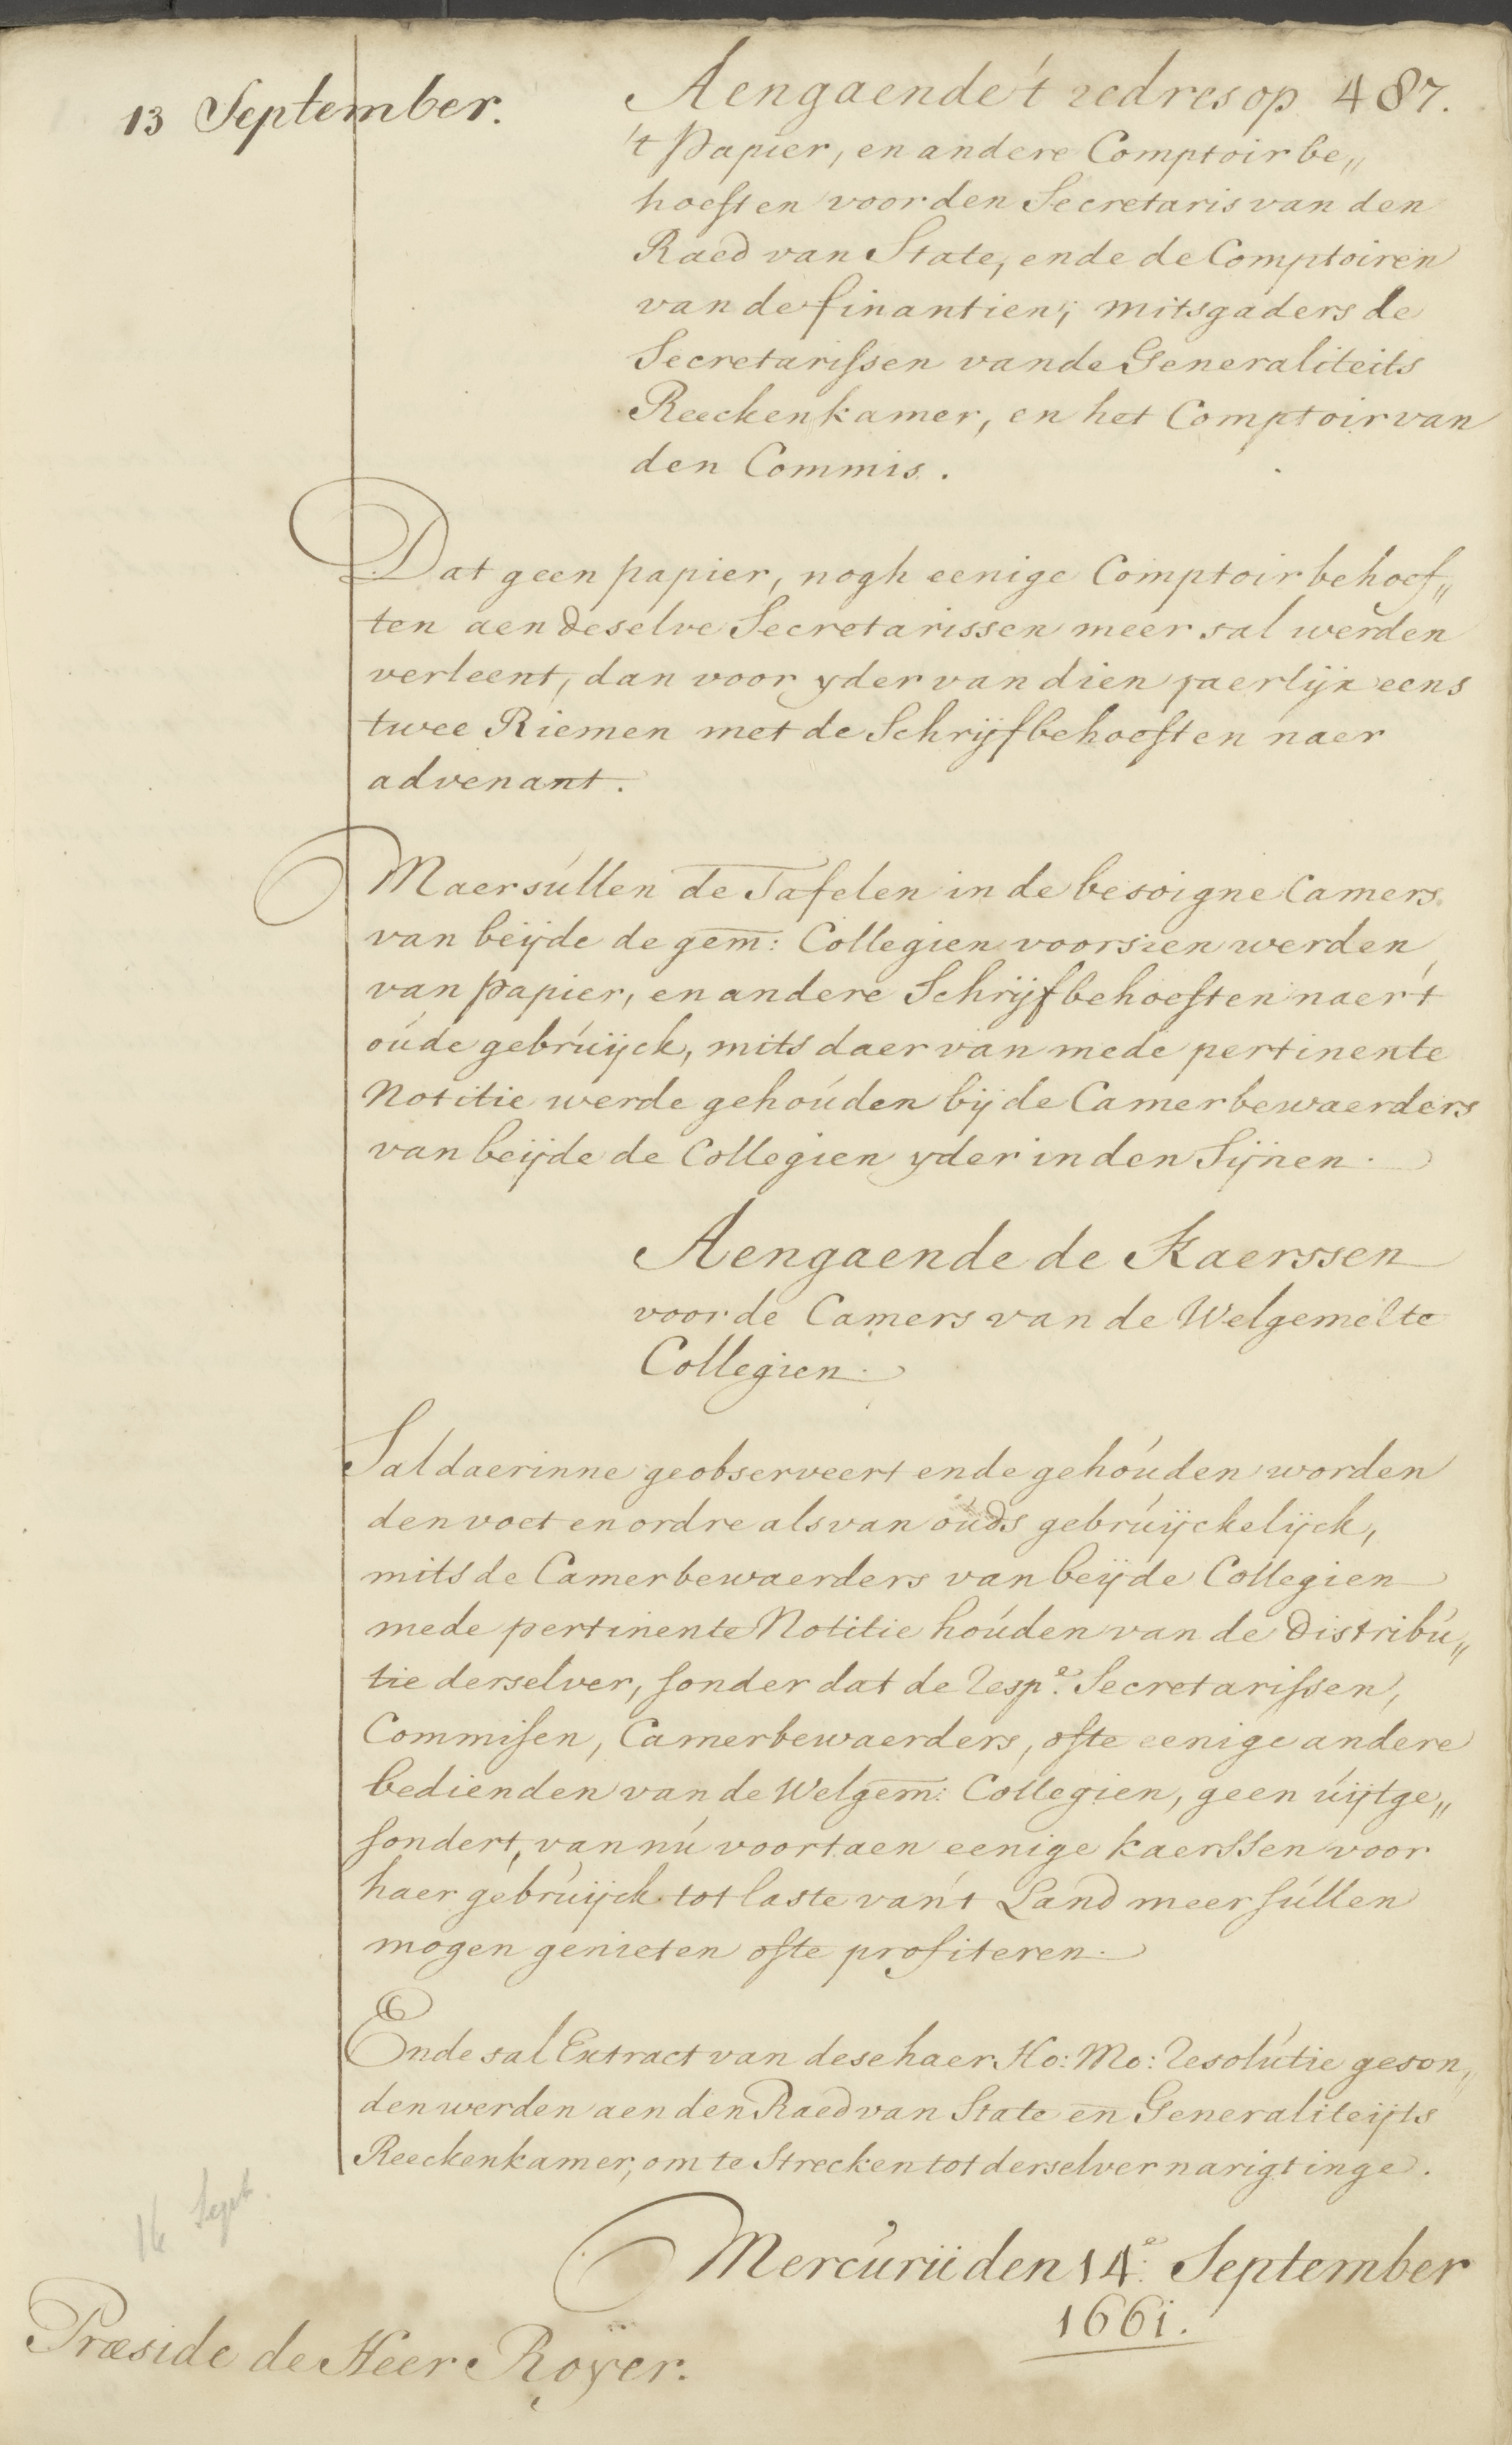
487.
13 September.
Aengaende 't redres op
‛t Papier, en andere Comptoirbe„
hoeften voor den Secretaris van den
Raed van State, ende de Comptoiren
van de finantien; mitsgaders de
Secretarissen vande Generaliteits
Reeckenkamer, en het Comptoir van
den Commis.
Dat geen papier, nogh eenige Comptoirbehoef„
ten aen deselve Secretarissen meer sal werden
verleent, dan voor yder van dien jaerlijx eens
twee Riemen met de Schrijfbehoeften naer
advenant.
Maer sullen de Tafelen, in de besoigne Camers,
van beijde de gem: Collegien voorsien werden
van papier, en andere Schrijfbehoeften naer‛t
oude gebruijck, mits daer van mede pertinente
Notitie werde gehouden bij de Camerbewaerders
van beijde de Collegien yder inden Sijnen.
Aengaende de Kaerssen
voor de Camers van de Welgemelte
Collegien.
Sal daerinne geobserveert ende gehouden worden
den voet en ordre als van ouds gebruijckelijck,
mits de Camerbewaerders van beijde Collegien
mede pertinente Notitie houden van de distribu„
tie derselver, sonder dat de respe. Secretarissen,
Commisen, Camerbewaerders, ofte eenige andere
bedienden van de Welgem: Collegien, geen uijtge„
sondert, van nu voortaen eenige kaerssen voor
haer gebruijck tot laste van't Land meer sullen
mogen genieten ofte profiteren.
Ende sal Extract van dese haer Ho:Mo: Resolutie geson„
den werden aen den Raed van State en Generaliteijts
Reeckenkamer, om te strecken tot derselver narigtinge.
14 Sept.
Mercurii den 14e. September
1661.
Præside de Heer Roijer.
